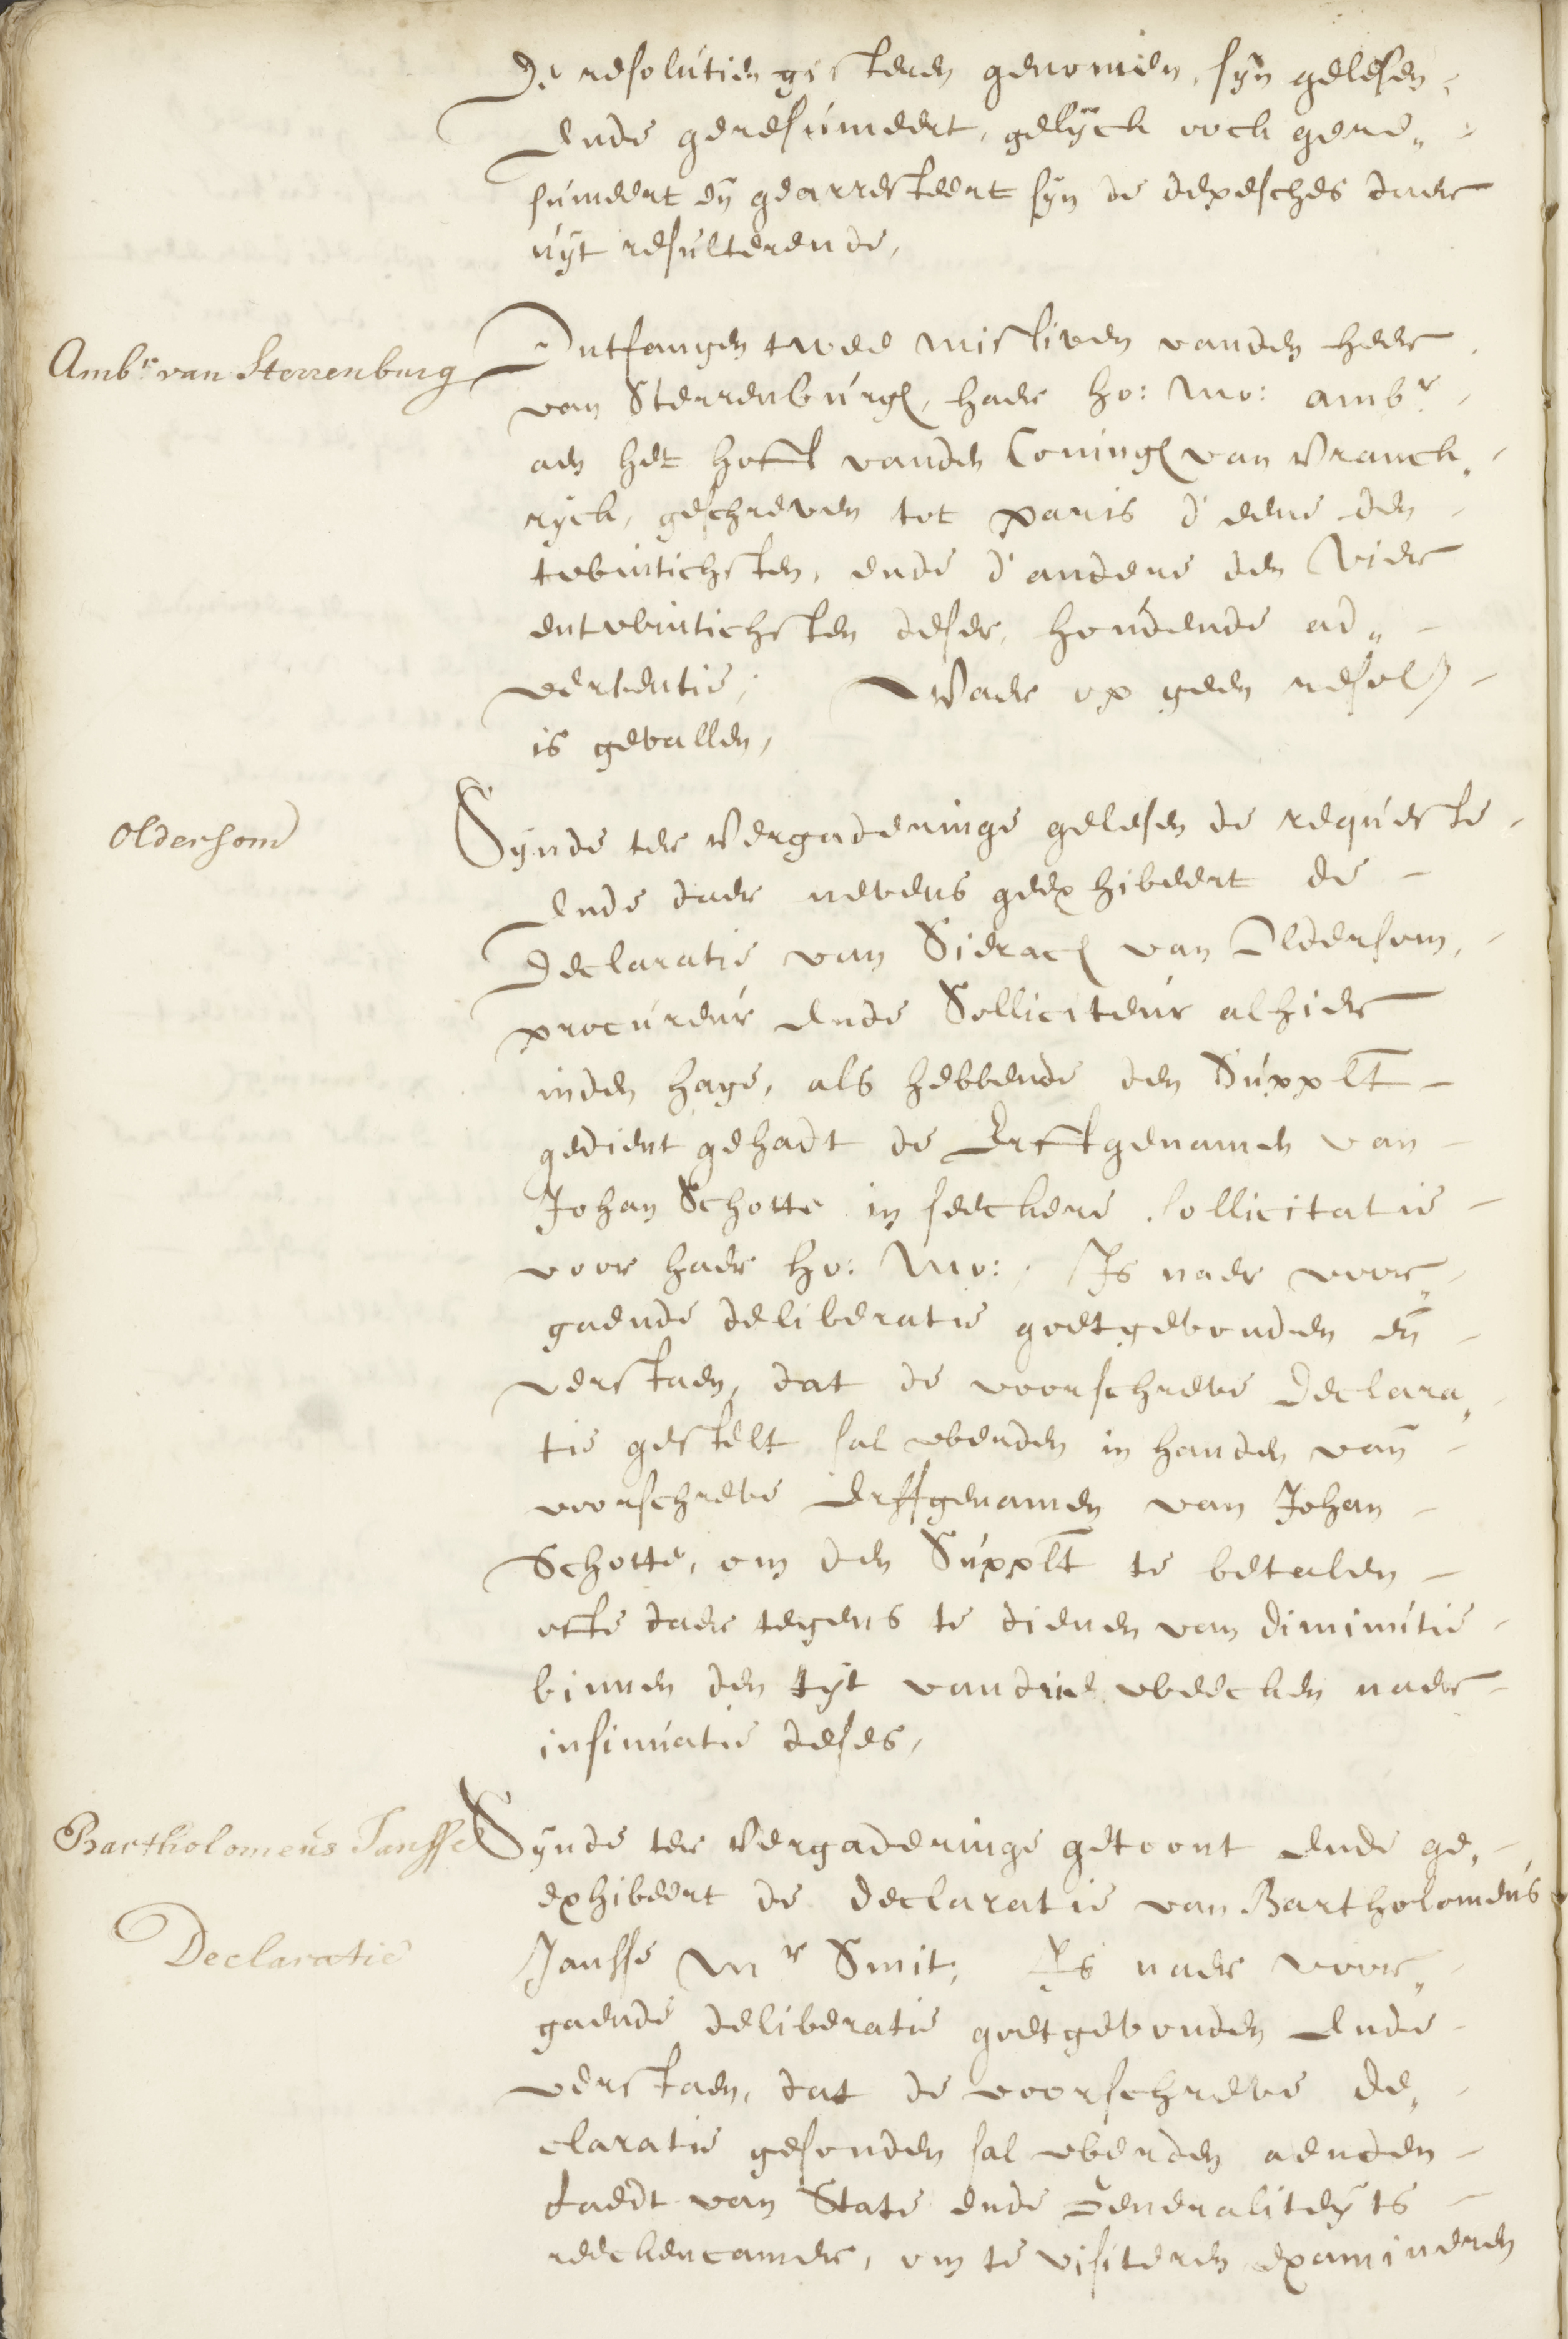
De resolutien gisteren genomen, sijn gelesen,
ende geresumeert, gelijck oock gere„
sumeert en gearresteert sijn de depesches daer
uijt resulterende.
Ambr. van Sterrenburg
Ontfangen twee missiven vanden heer
van Sterrenburgh, haer ho:Mo: ambr.
aen het hoff vanden Coningh van Vranck„
rijck, geschreven tot paris d‛eene den
twintichsten, ende d‛andere den vier
entwintichsten deser, houdende ad„
vertentie; Waer op geen resol.
is gevallen.
Oldersom
Sijnde ter vergaderinge gelesen de requeste
ende daer nevens geexhibeert de
Declaratie van Sierach van Oldersom,
procureur ende Solliciteur alhier
inden hage, als hebbende den Supplt.
gedient gehadt de Erffgenamen van
Johan Schotte in seeckere Sollicitatie
voor haer ho:Mo: Is naer voor
gaende deliberatie goetgevonden en
verstaen, dat de voorschreve Declara„
tie gestelt sal werden in handen van
voorschreve Erffgenamen van Johan
Schotte, om den Supplt te betalen
offe daer tegens te dienen van diminutie
binnen den tijt van drie weecken naer
insinuatie deses.
Bartholomeus Jansse
Declaratie
Sijnde ter vergaderinge getoont ende ge„
exhibeert de declaratie van Bartholomeus
Jansse mr Smit; Is naer voor„
gaende deliberatie goetgevonden ende
verstaen, dat de voorschreve de„
claratie gesonden sal werden aenden
Raedt van State ende Generaliteijts
reeckencamer, om te visitereen examineren
